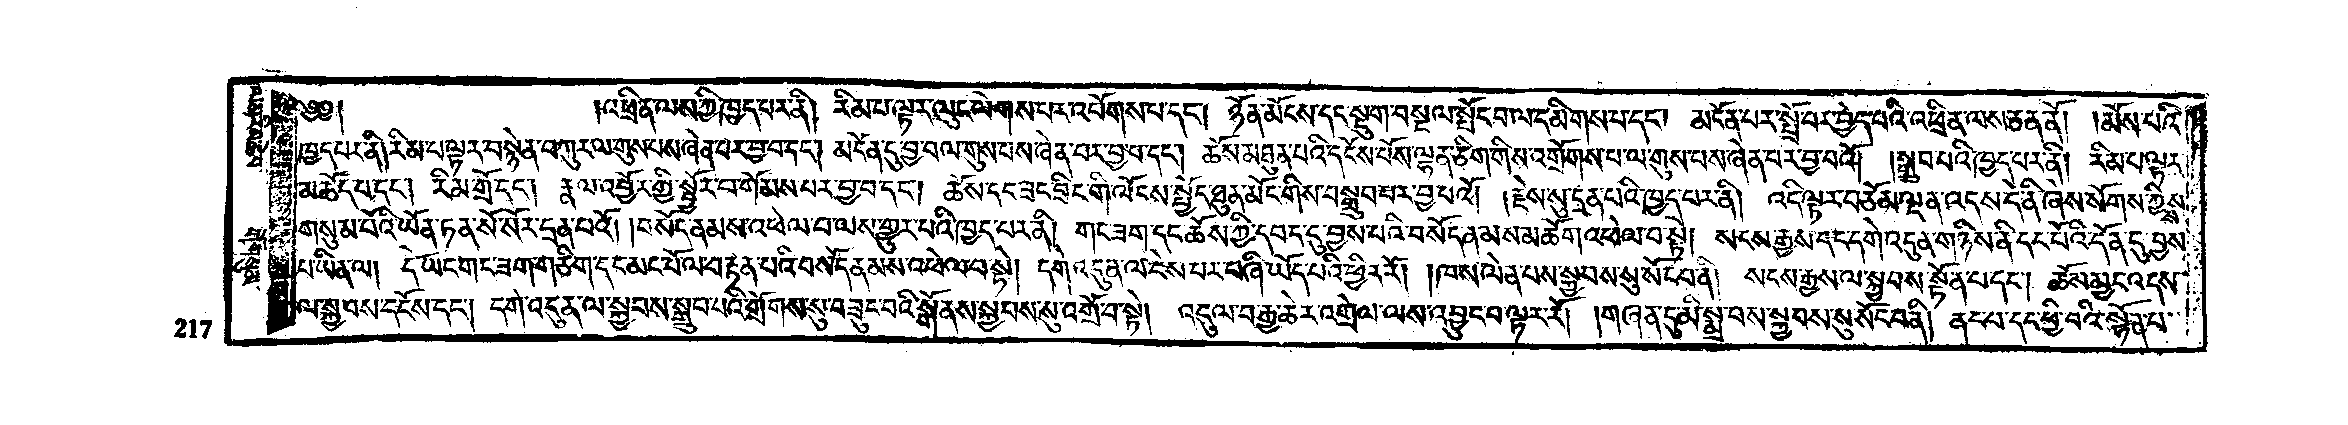༄༅། །འཕྲིན་ལས་ཀྱི་ཁྱད་པར་ནི། རིམ་པ་ལྟར་ལུང་ལེགས་པར་འབོགས་པ་དང་། ཉོན་མོངས་དང་སྡུག་བསྔལ་སྤོང་བ་ལ་དམིགས་པ་དང་། མངོན་པར་སྤྲོ་བར་བྱེད་པའི་འཕྲིན་ལས་ཅན་ནོ། །མོས་པའི་
ཁྱད་པར་ནི། རིམ་པ་ལྟར་བསྙེན་བཀུར་ལ་གུས་པས་ཞེན་པར་བྱ་བ་དང་། མངོན་དུ་བྱ་བ་ལ་གུས་པས་ཞེན་པར་བྱ་བ་དང་། ཆོས་མཐུན་པའི་དངོས་པོས་ལྷན་ཅིག་གིས་འགྲོགས་པ་ལ་གུས་པས་ཞེན་པར་བྱ་བའོ། །སྒྲུབ་པའི་ཁྱད་པར་ནི། རིམ་པ་ལྟར་
མཆོད་པ་དང་། རིམ་གྲོ་དང་། རྣལ་འབྱོར་གྱི་སྦྱོར་བ་གོམས་པར་བྱ་བ་དང་། ཆོས་དང་ཟང་ཟིང་གི་ལོངས་སྤྱོད་ཐུན་མོང་གིས་བསྒྲུབ་པར་བྱ་བའོ། །རྗེས་སུ་དྲན་པའི་ཁྱད་པར་ནི། འདི་ལྟར་བཅོམ་ལྡན་འདས་དེ་ནི་ཞེས་སོགས་ཀྱིས་
གསུམ་པོའི་ཡོན་ཏན་སོ་སོར་དྲན་པའོ། །བསོད་ནམས་འཕེལ་བ་ལས་གྱུར་པའི་ཁྱད་པར་ནི། གང་ཟག་དང་ཆོས་ཀྱི་དབང་དུ་བྱས་པའི་བསོད་ནམས་མཆོག་འཕེལ་བ་སྟེ། སངས་རྒྱས་དང་དགེ་འདུན་གཉིས་ནི་དང་པོའི་དོན་དུ་བྱས་
པ་ཡིན་ལ། དེ་ཡང་གང་ཟག་གཅིག་དང་མང་པོ་ལ་བརྟེན་པའི་བསོད་ནམས་འཕེལ་བ་སྟེ། དགེ་འདུན་ལ་ངེས་པར་བཞི་ཡོད་པའི་ཕྱིར་རོ། །ཁས་ལེན་པས་སྐྱབས་སུ་སོང་བ་ནི། སངས་རྒྱས་ལ་སྐྱབས་སྟོན་པ་དང་། ཆོས་མྱང་འདས་
ལ་སྐྱབས་དངོས་དང་། དགེ་འདུན་ལ་སྐྱབས་སྒྲུབ་པའི་གྲོགས་སུ་བཟུང་བའི་སྒོ་ནས་སྐྱབས་སུ་འགྲོ་བ་སྟེ། འདུལ་བ་རྒྱ་ཆེར་འགྲེལ་ལས་འབྱུང་བ་ལྟར་རོ། །གཞན་དུ་མི་སྨྲ་བས་སྐྱབས་སུ་སོང་བ་ནི། ནང་པ་དང་ཕྱི་པའི་སྟོན་པ་